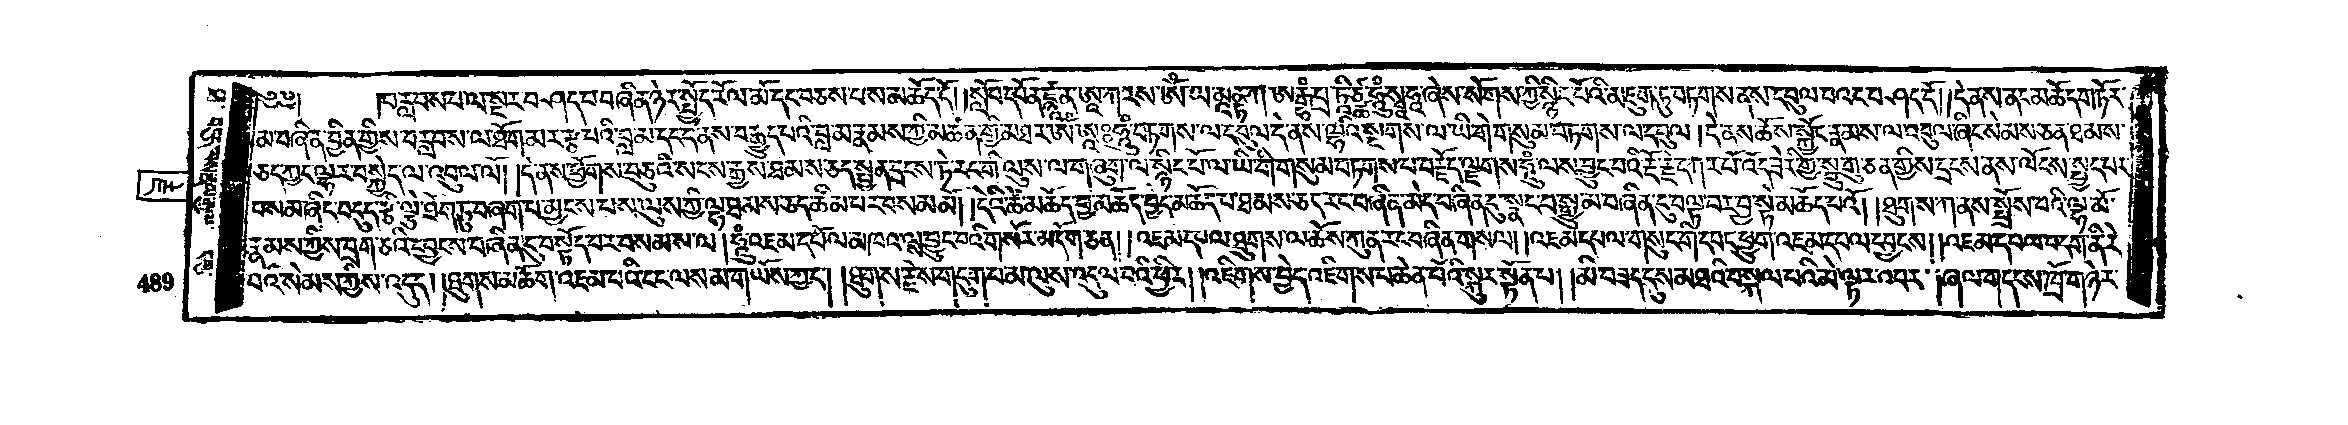༄༅། །བརླབས་པ་ལ་སྔར་བཤད་པ་བཞིན་ཉེར་སྤྱོད་རོལ་མོ་དང་བཅས་པས་མཆོད་དོ། །སློབ་དཔོན་ཛྙཱ་ན་ཨཱ་ཀ་རས་ཨོཾ་ཡ་མཱནྟ་ཀ་ཨརྒྷཾ་པྲ་ཏཱི་ཙྪ་ཧཱུཾ་སྭཱཧཱ་ཞེས་སོགས་ཀྱི་སྙིང་པོའི་མཇུག་ཏུ་བཏགས་ནས་དབུལ་བའང་བཤད་དོ། །དེ་ནས་ནང་མཆོད་གཏོར་
མ་བཞིན་བྱིན་གྱིས་བརླབས་ལ་ཐོག་མར་རྩ་པའི་བླ་མ་དང་དེ་ནས་བརྒྱུད་པའི་བླ་མ་རྣམས་ཀྱི་མཚན་གྱི་མཐར་ཨོཾ་ཨཱཿ ཧཱུཾ་བཏགས་ལ་དབུལ་དེ་ནས་ལྷའི་སྔགས་ལ་ཡི་གེ་གསུམ་བཏགས་ལ་དབུལ། དེ་ནས་ཆོས་སྐྱོང་རྣམས་ལ་འབུལ་ཞིང་སེམས་ཅན་ཐམས་
ཅད་ཀྱང་ལྷར་བསྐྱེད་ལ་འབུལ་ལོ། །དེ་ནས་ཕྱོགས་བཅུའི་སངས་རྒྱས་ཐམས་ཅད་སྤྱན་དྲངས་ཏེ་རང་གི་ལུས་ལ་གཞུག་ལ་སྙིང་པོ་ལ་ཡི་གེ་གསུམ་བཏགས་པ་བརྗོད་ལྗགས་ཧཱུཾ་ལས་བྱུང་བའི་རྡོ་རྗེ་དཀར་པོ་འོད་ཟེར་གྱི་སྦུ་གུ་ཅན་གྱིས་དྲངས་ནས་ལོངས་སྤྱད་པར་
བསམ་ཞིང་བདུད་རྩི་ལྕེ་ཐོག་ཏུ་བཞག་པ་མྱངས་པས་ལུས་ཀྱི་ལྷ་ཐམས་ཅད་ཚིམ་པར་བསམ་མོ། །དེའི་ཚེ་མཆོད་བྱ་མཆོད་བྱེད་མཆོད་པ་ཐམས་ཅད་རང་བཞིན་མེད་བཞིན་དུ་སྣང་བ་སྒྱུ་མ་བཞིན་དུ་བལྟ་བར་བྱ་སྟེ་མཆོད་པའོ། །ཐུགས་ཀ་ནས་སྤྲོས་པའི་ལྷ་མོ་
རྣམས་ཀྱིས་བྲག་ཅའི་དབྱངས་བཞིན་དུ་བསྟོད་པར་བསམས་ལ། ཧཱུཾ་འཇམ་དཔལ་མཁའ་ལས་བྱུང་བའི་གསེར་མདོག་ཅན། །འཇམ་དཔལ་ཐུགས་ལ་ཆོས་ཀུན་རང་བཞིན་གསལ། །འཇམ་དཔལ་གསུང་གི་དབང་ཕྱུག་འཇམ་དཔལ་དབྱངས། །འཇམ་དཔལ་བདག་ནི་རེ་
བའི་སེམས་ཀྱིས་འདུད། །ཐུགས་མཆོག་འཇམ་པའི་ངང་ལས་མ་གཡོས་ཀྱང་། །ཐུགས་རྗེས་གདུག་པ་མ་ལུས་འདུལ་བའི་ཕྱིར། །འཇིགས་བྱེད་འཇིགས་པ་ཆེན་པོའི་སྐུར་སྟོན་པ། །མི་བཟད་དུས་མཐའི་བསྐལ་པའི་མེ་ལྟར་འབར། ཞལ་གདངས་ཁྲོ་གཉེར་